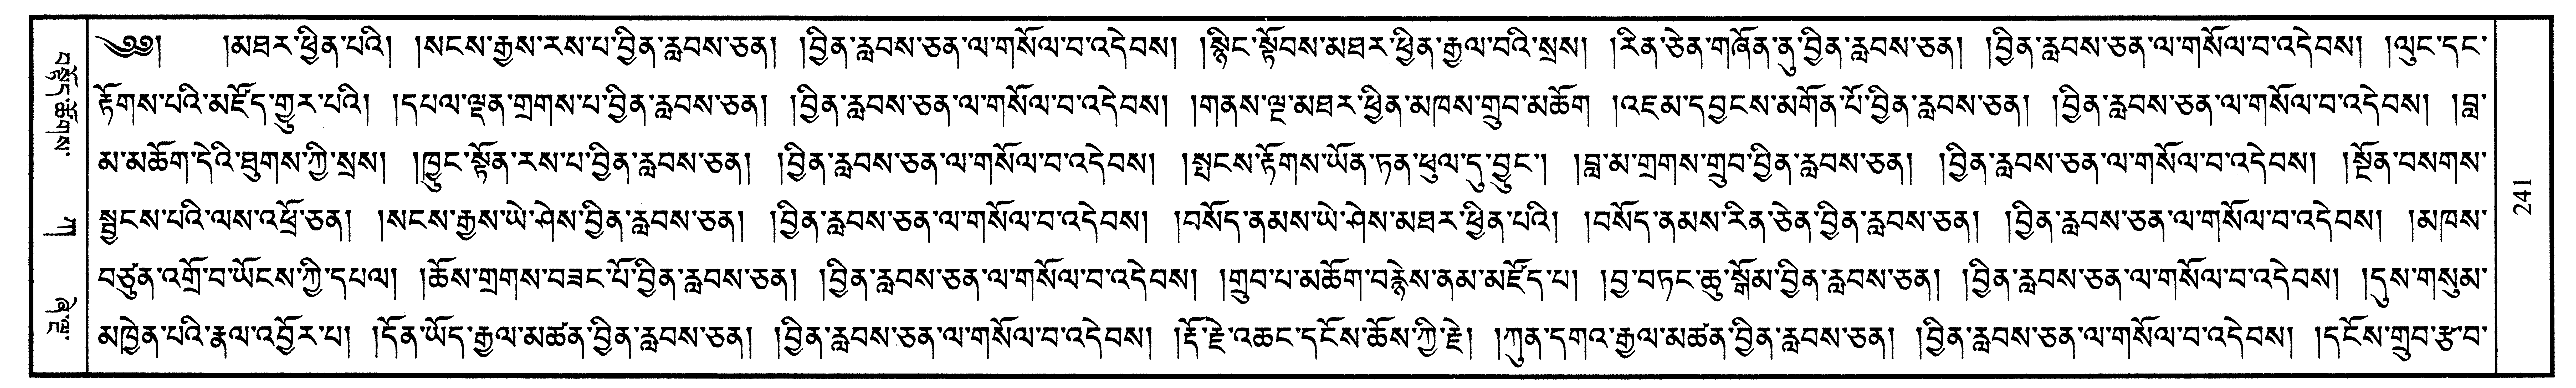༄༅། །མཐར་ཕྱིན་པའི། །སངས་རྒྱས་རས་པ་བྱིན་རླབས་ཅན། །བྱིན་རླབས་ཅན་ལ་གསོལ་བ་འདེབས། །སྙིང་སྟོབས་མཐར་ཕྱིན་རྒྱལ་བའི་སྲས། །རིན་ཅེན་གཞོན་ནུ་བྱིན་རླབས་ཅན། །བྱིན་རླབས་ཅན་ལ་གསོལ་བ་འདེབས། །ལུང་དང་
རྟོགས་པའི་མཛོད་གྱུར་པའི། །དཔལ་ལྡན་གྲགས་པ་བྱིན་རླབས་ཅན། །བྱིན་རླབས་ཅན་ལ་གསོལ་བ་འདེབས། །གནས་ལྔ་མཐར་ཕྱིན་མཁས་གྲུབ་མཆོག །འཇམ་དབྱངས་མགོན་པོ་བྱིན་རླབས་ཅན། །བྱིན་རླབས་ཅན་ལ་གསོལ་བ་འདེབས། །བླ་
མ་མཆོག་དེའི་ཐུགས་ཀྱི་སྲས། །ཁྱུང་སྟོན་རས་པ་བྱིན་རླབས་ཅན། །བྱིན་རླབས་ཅན་ལ་གསོལ་བ་འདེབས། །སྤངས་རྟོགས་ཡོན་ཏན་ཕུལ་དུ་བྱུང་། །བླ་མ་གྲགས་གྲུབ་བྱིན་རླབས་ཅན། །བྱིན་རླབས་ཅན་ལ་གསོལ་བ་འདེབས། །སྔོན་བསགས་
སྦྱངས་པའི་ལས་འཕྲོ་ཅན། །སངས་རྒྱས་ཡེ་ཤེས་བྱིན་རླབས་ཅན། །བྱིན་རླབས་ཅན་ལ་གསོལ་བ་འདེབས། །བསོད་ནམས་ཡེ་ཤེས་མཐར་ཕྱིན་པའི། །བསོད་ནམས་རིན་ཅེན་བྱིན་རླབས་ཅན། །བྱིན་རླབས་ཅན་ལ་གསོལ་བ་འདེབས། །མཁས་
བཙུན་འགྲོ་བ་ཡོངས་ཀྱི་དཔལ། །ཆོས་གྲགས་བཟང་པོ་བྱིན་རླབས་ཅན། །བྱིན་རླབས་ཅན་ལ་གསོལ་བ་འདེབས། །གྲུབ་པ་མཆོག་བརྙེས་ནམ་མཛོད་པ། །བྱ་བཏང་ཆུ་སྒོམ་བྱིན་རླབས་ཅན། །བྱིན་རླབས་ཅན་ལ་གསོལ་བ་འདེབས། །དུས་གསུམ་
མཁྱེན་པའི་རྣལ་འབྱོར་པ། །དོན་ཡོད་རྒྱལ་མཚན་བྱིན་རླབས་ཅན། །བྱིན་རླབས་ཅན་ལ་གསོལ་བ་འདེབས། །རྡོ་རྗེ་འཆང་དངོས་ཆོས་ཀྱི་རྗེ། །ཀུན་དགའ་རྒྱལ་མཚན་བྱིན་རླབས་ཅན། །བྱིན་རླབས་ཅན་ལ་གསོལ་བ་འདེབས། །དངོས་གྲུབ་རྩ་བ་